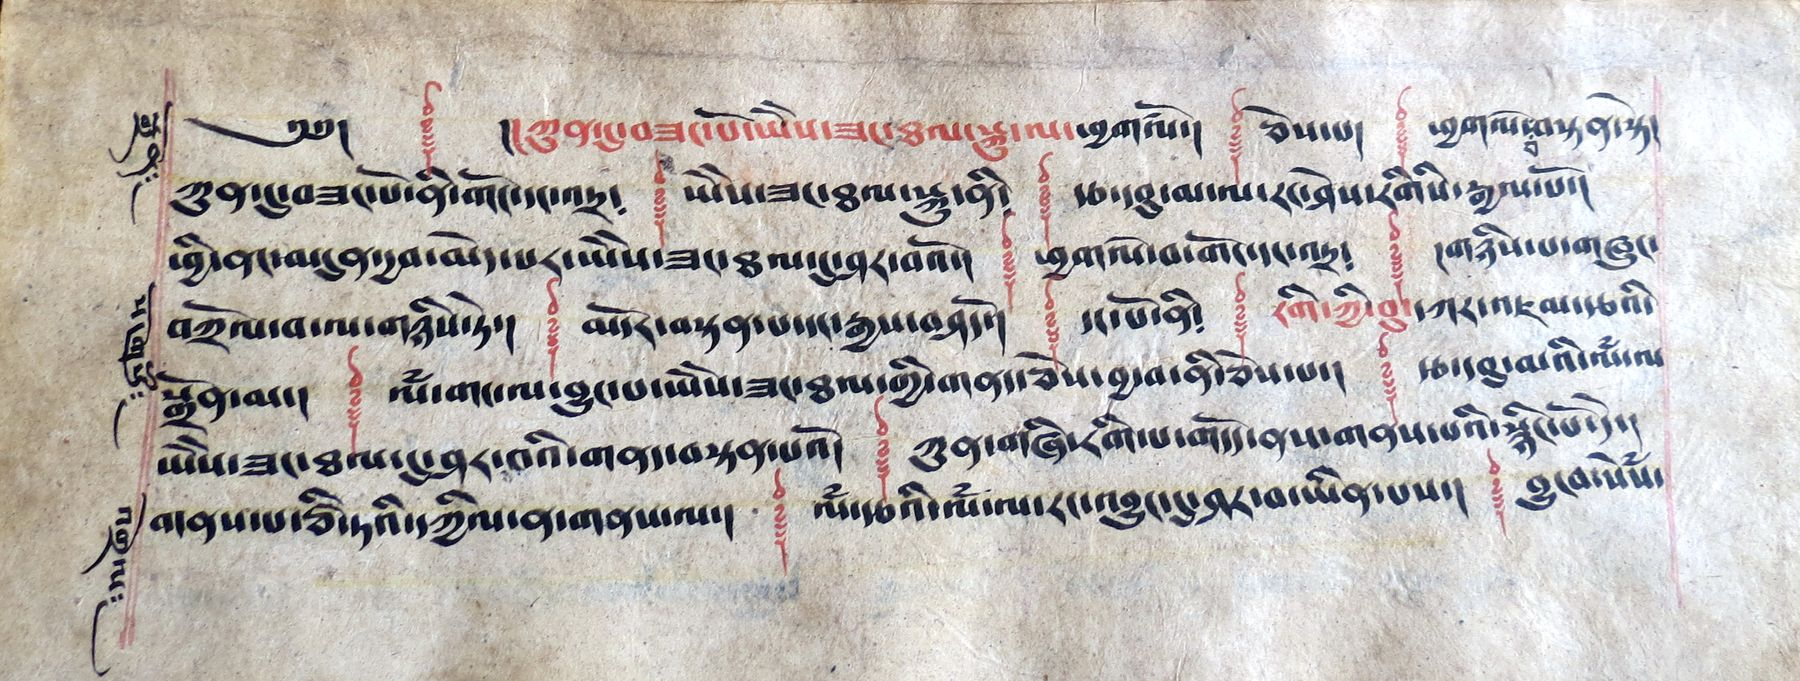ཀུན་ཏུ་བཟང་པོ་ཡེ་ཤེས་ཟང་ཐལ་སྐུ་ལ་ཕྱག་འཚལ་ལོ། །ཞེས་པས། ཕྱག་འཚལ་བ་བསྟན་ཏེ། 
ཀུན་ཏུ་བཟང་པོ་ནི་གོང་དང་འདྲ། ཡེ་ཤེས་ཟང་ཐལ་སྐུ་ནི། རྩ་དབུ་མ་ལ་རང་ཤེས་རིག་གི་རྒྱལ་པོ། 
ཕྱི་ནང་མདུན་རྒྱབ་མེད་པར་ཡེ་ཤེས་ཟང་ཐལ་དུ་ཤར་བའོ། །ཕྱག་འཚལ་བ་གོང་དང་འདྲ། གཉིས་པ་གཞུང་
བཀྲོལ་བ་ལ་གཉིས་ཏེ། མདོར་བསྟན་དང་རྒྱས་བཤད་དོ། །དང་པོ་ནི། རིགས་ཀྱི་བུ་དཀར་འཇམ་རྩའི་
སྒྲོན་མ། ལམ་གང་ལ་བྱུང་བ་ཡེ་ཤེས་ཟང་ཐལ་གྱི་གནད་ཅེས་བྱ་བ་ནི་ཞེས་པས། རྩ་དབུ་མའི་ལམ་ལ་
ཡེ་ཤེས་ཟང་ཐལ་དུ་ཤར་བའི་གནད་བསྟན་པའོ། །ཀུན་གཞི་དང་རིག་པ་གདོད་ནས་གནས་པའི་སྙིང་པོ་དེ། 
གནས་པ་ཙི་ཏའི་དཀྱིལ་ན་གནས་ལ། ལམ་རྩའི་ལམ་ལ་རང་བྱུང་དུ་ཤར་བ་ཡིན་པས། བྱང་ཆུབ་སེམས་